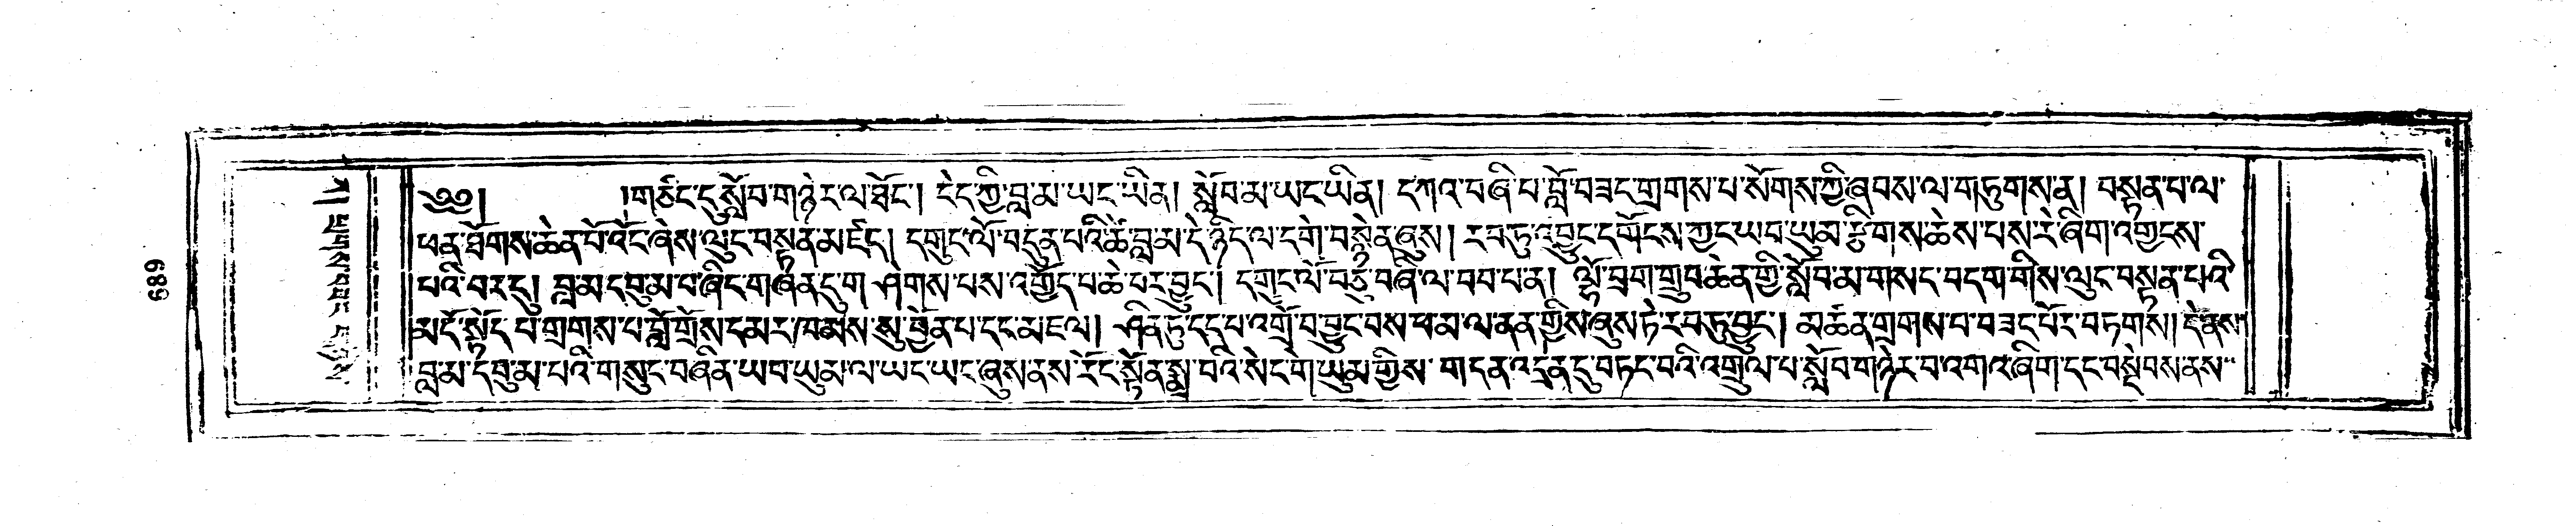༄༅། །གཙང་དུ་སློབ་གཉེར་ལ་ཐོང་། ངེད་ཀྱི་བླ་མ་ཡང་ཡིན། སློབ་མ་ཡང་ཡིན། དཀའ་བཞི་པ་བློ་བཟང་གྲགས་པ་སོགས་ཀྱི་ཞབས་ལ་གཏུགས་ན། བསྟན་པ་ལ་
ཕན་ཐོགས་ཆེན་པོ་འོང་ཞེས་ལུང་བསྟན་མཛད། དགུང་ལོ་བདུན་པའི་ཚེ་བླ་མ་དེ་ཉིད་ལ་དགེ་བསྙེན་ཞུས། རབ་ཏུ་འབྱུང་དགོངས་ཀྱང་ཡབ་ཡུམ་རྩིགས་ཆེས་པས་རེ་ཞིག་འགྱངས་
པའི་བར་དུ། བླ་མ་དབུ་མ་པ་ཞིང་གཞན་དུ་གཤེགས་པས་འགྱོད་པ་ཆེ་བར་བྱུང་། དགུང་ལོ་བཅུ་བཞི་ལ་བབ་པ་ན། ལྷོ་བྲག་གྲུབ་ཆེན་གྱི་སློབ་མ་གསང་བདག་གིས་ལུང་བསྟན་པའི་
མདོ་སྟོད་པ་གྲགས་པ་བློ་གྲོས་དམར་ཁམས་སུ་བྱོན་པ་དང་མཇལ། ཤིན་ཏུ་དད་པ་འགྲོ་བ་བྱུང་བས་ཕ་མ་ལ་ནན་གྱིས་ཞུས་ཏེ་རབ་ཏུ་བྱུང་། མཚན་གྲགས་པ་བཟང་པོར་བཏགས། དེ་ནས་
བླ་མ་དབུ་མ་པའི་གསུང་བཞིན་ཡབ་ཡུམ་ལ་ཡང་ཡང་ཞུས་ནས་རོང་སྟོན་སྨྲ་བའི་སེང་གེ་ཡུམ་གྱིས་གདན་འདྲེན་དུ་བཏང་བའི་འགྲུལ་པ་སློབ་གཉེར་བ་འགའ་ཞིག་དང་བསྡེབས་ནས་